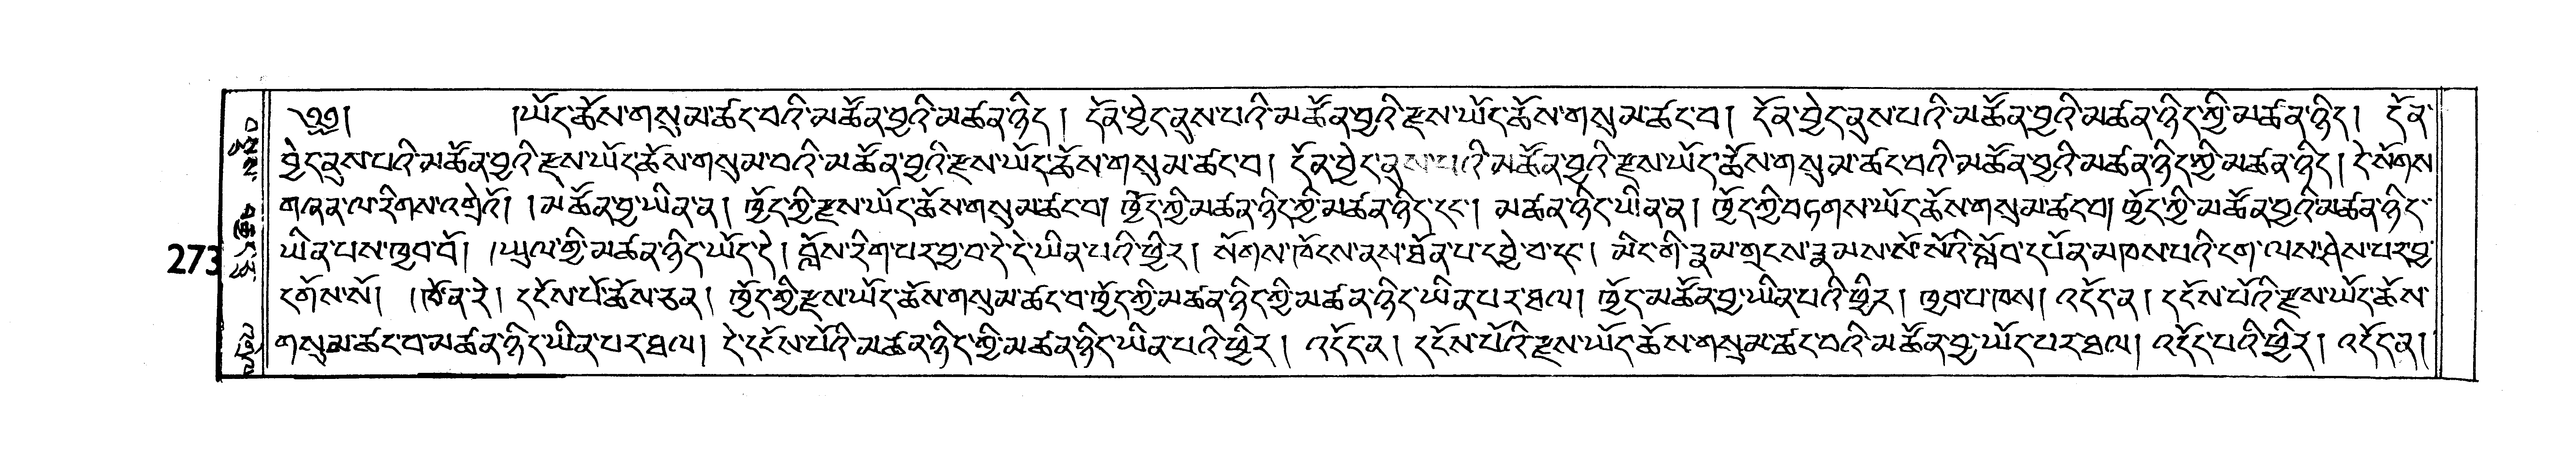༄༅། །ཡོད་ཆོས་གསུམ་ཚང་བའི་མཚོན་བྱའི་མཚན་ཉིད། དོན་བྱེད་ནུས་པའི་མཚོན་བྱའི་རྫས་ཡོད་ཆོས་གསུམ་ཚང་བ། དོན་བྱེད་ནུས་པའི་མཚོན་བྱའི་མཚན་ཉིད་ཀྱི་མཚན་ཉིད། དོན་
བྱེད་ནུས་པའི་མཚོན་བྱའི་རྫས་ཡོད་ཆོས་གསུམ་པའི་མཚོན་བྱའི་རྫས་ཡོད་ཆོས་གསུམ་ཚང་བ། དོན་བྱེད་ནུས་པའི་མཚོན་བྱའི་རྫས་ཡོད་ཆོས་གསུམ་ཚང་བའི་མཚོན་བྱའི་མཚན་ཉིད་ཀྱི་མཚན་ཉིད། དེ་སོགས་
གཞན་ལ་རིགས་འགྲེའོ། །མཚོན་བྱ་ཡིན་ན། ཁྱོད་ཀྱི་རྫས་ཡོད་ཆོས་གསུམ་ཚང་བ། ཁྱོད་ཀྱི་མཚན་ཉིད་ཀྱི་མཚན་ཉིད་དང་། མཚན་ཉིད་ཡིན་ན། ཁྱོད་ཀྱི་བཏགས་ཡོད་ཆོས་གསུམ་ཚང་བ། ཁྱོད་ཀྱི་མཚོན་བྱའི་མཚན་ཉིད་
ཡིན་པས་ཁྱབ་བོ། །ཡུལ་གྱི་མཚན་ཉིད་ཡོད་དེ། བློས་རིག་པར་བྱ་བ་དེ་དེ་ཡིན་པའི་ཕྱིར། སོགས་ཁོངས་ནས་ཐོན་པ་དབྱེ་བ་དང་། མིང་གི་རྣམ་གྲངས་རྣམས་སོ་སོའི་སློབ་དཔོན་མཁས་པའི་ངག་ལས་ཤེས་པར་བྱ་
དགོས་སོ། །ཁོ་ན་རེ། དངོས་པོ་ཆོས་ཅན། ཁྱོད་ཀྱི་རྫས་ཡོད་ཆོས་གསུམ་ཚང་བ་ཁྱོད་ཀྱི་མཚན་ཉིད་ཀྱི་མཚན་ཉིད་ཡིན་པར་ཐལ། ཁྱོད་མཚོན་བྱ་ཡིན་པའི་ཕྱིར། ཁྱབ་པ་ཁས། འདོད་ན། དངོས་པོའི་རྫས་ཡོད་ཆོས་
གསུམ་ཚང་བ་མཚན་ཉིད་ཡིན་པར་ཐལ། དེ་དངོས་པོའི་མཚན་ཉིད་ཀྱི་མཚན་ཉིད་ཡིན་པའི་ཕྱིར། འདོད་ན། དངོས་པོའི་རྫས་ཡོད་ཆོས་གསུམ་ཚང་བའི་མཚོན་བྱ་ཡོད་པར་ཐལ། འདོད་པའི་ཕྱིར། འདོད་ན།